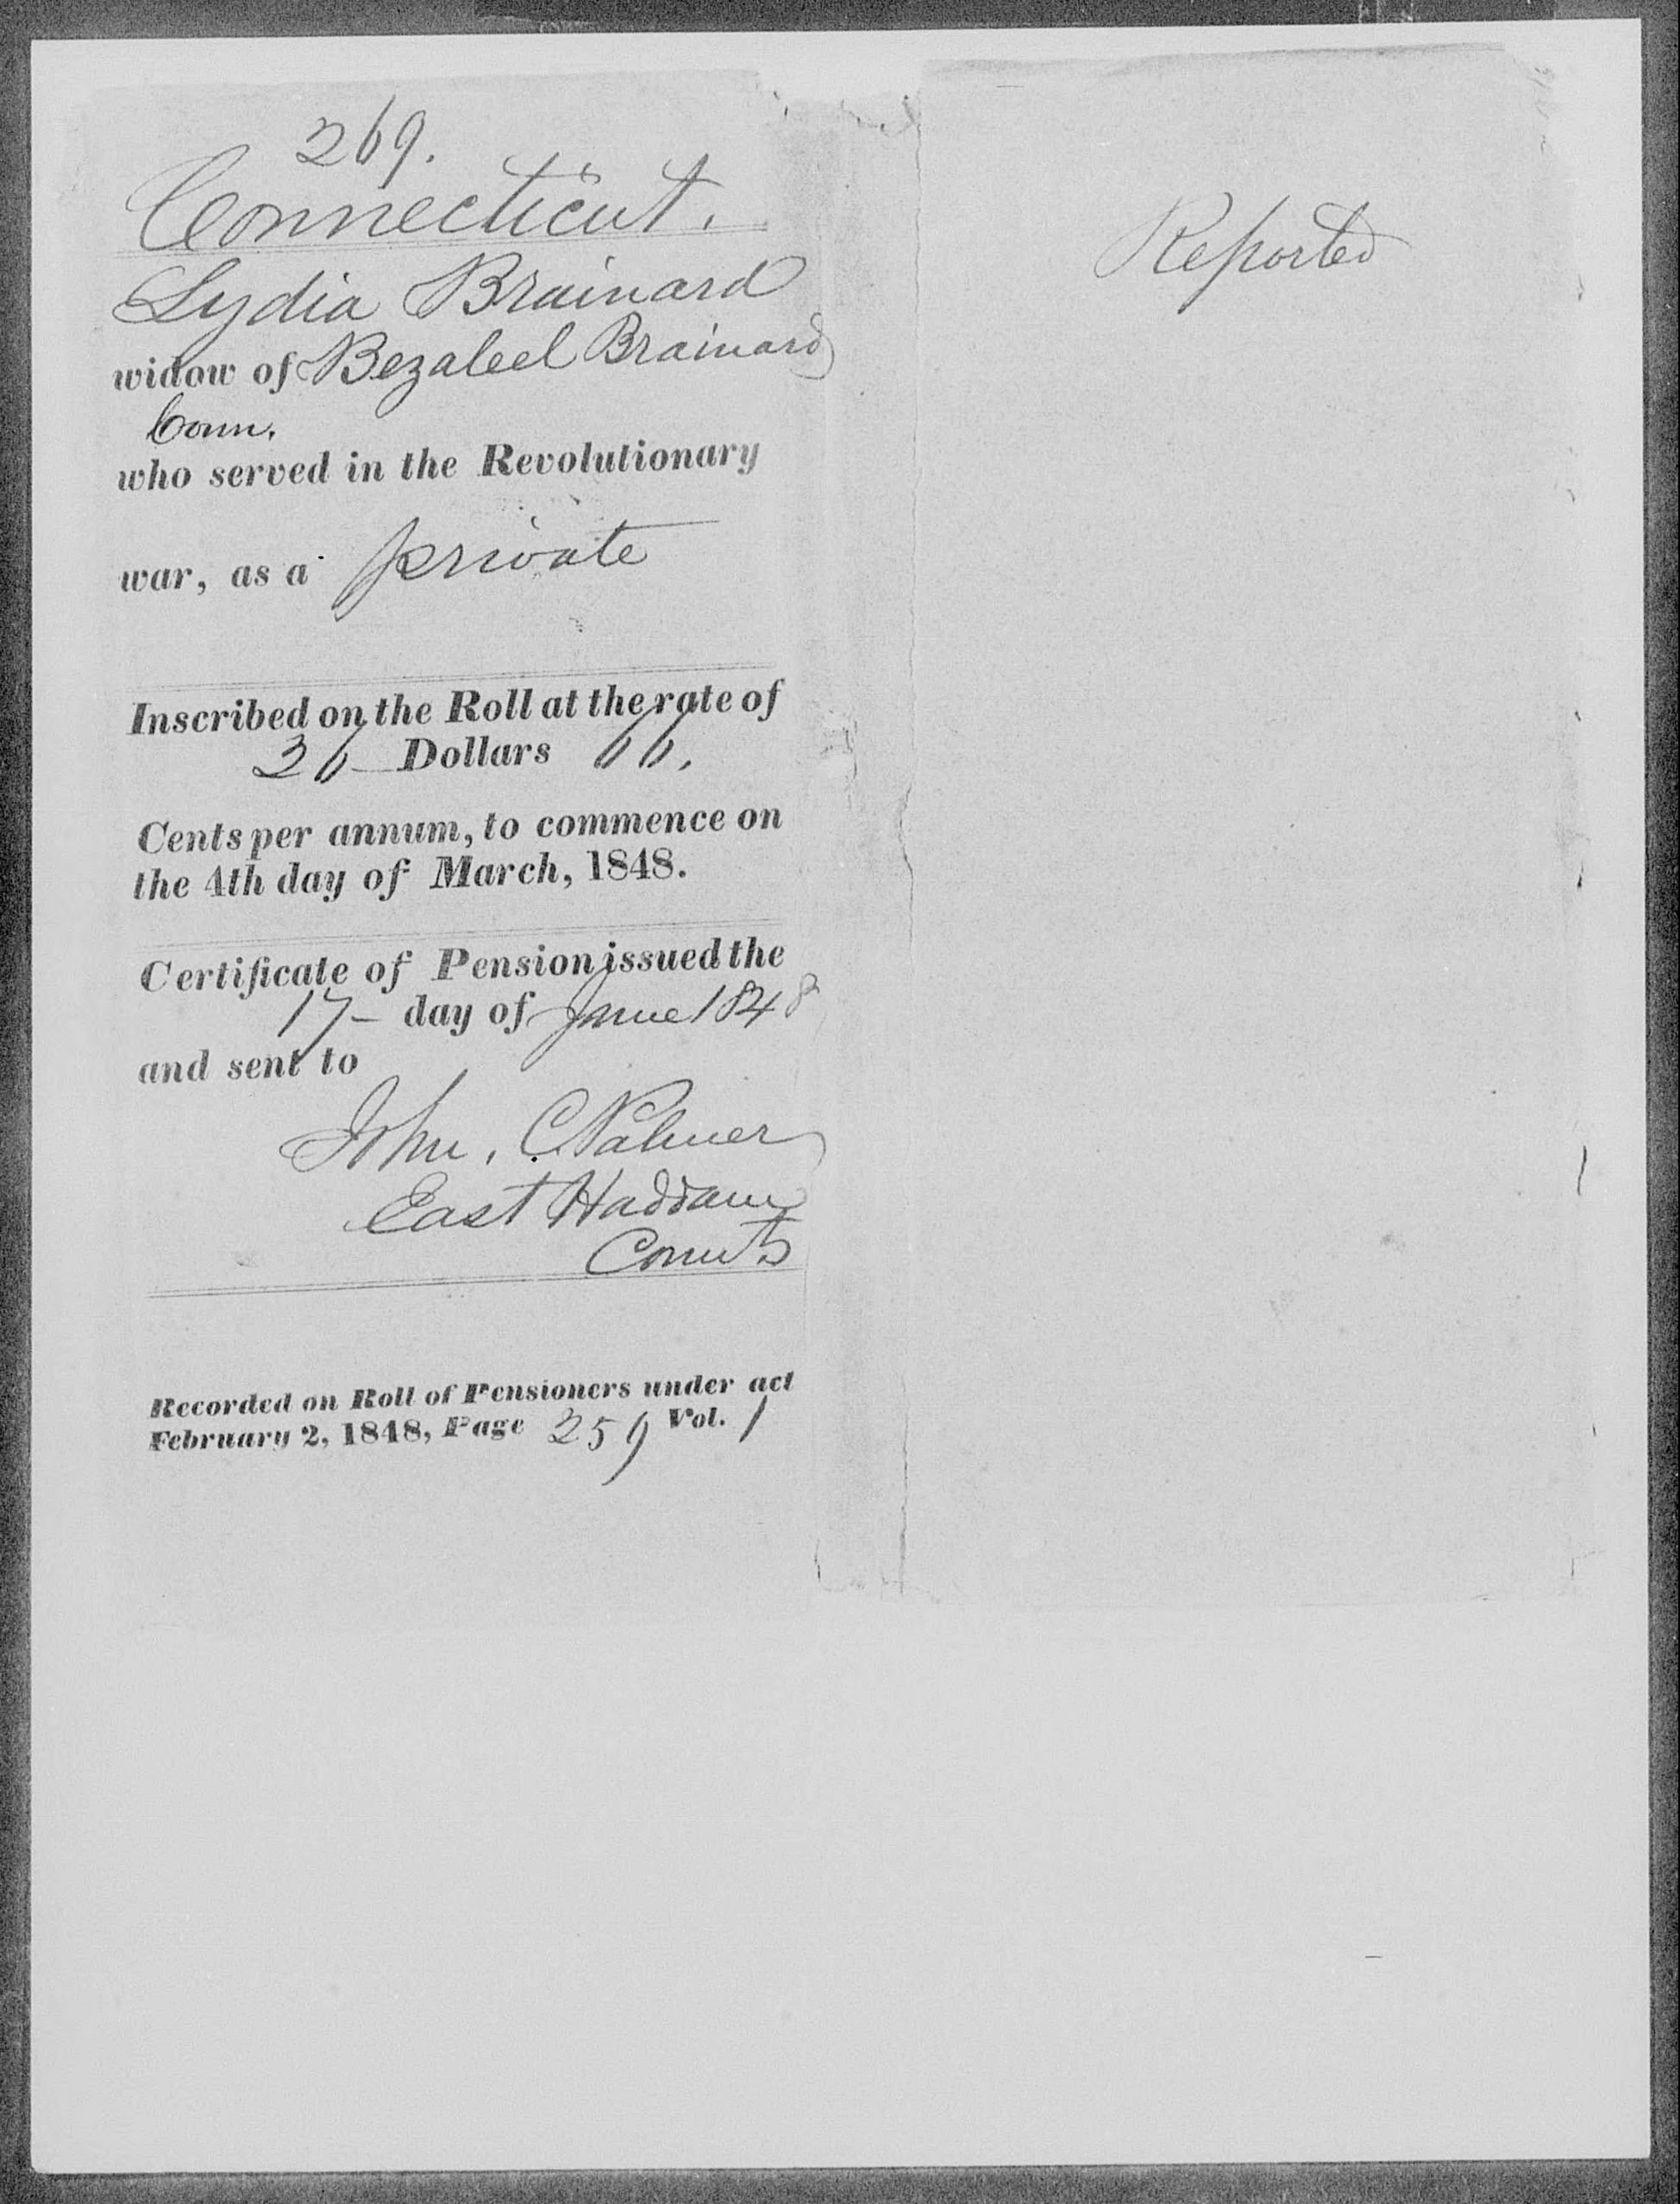[left facing page]
269.
Connecticut
Lydia Brainard
widow of Bezaleel Brainard
Conn
who served in the Revolutionary war, as a private
Inscribed on the Roll at the rate of
26 Dollars 66. Cents per annum, to commence on the 4th day of March, 1848.
Certificate of Pension issued the 17 day of June 1848
and sent to
John C Palmer
East Haddam
Courts
Recorded on Roll of Pensioners under act February 2, 1848, Page 25 Vol 1

[right facing page]
Reported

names: Bezaleel Brainard, John C Palmer, Lydia Brainard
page: 2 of 25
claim: widow's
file: W. 23,671, Bezaleel Brainard, Conn.